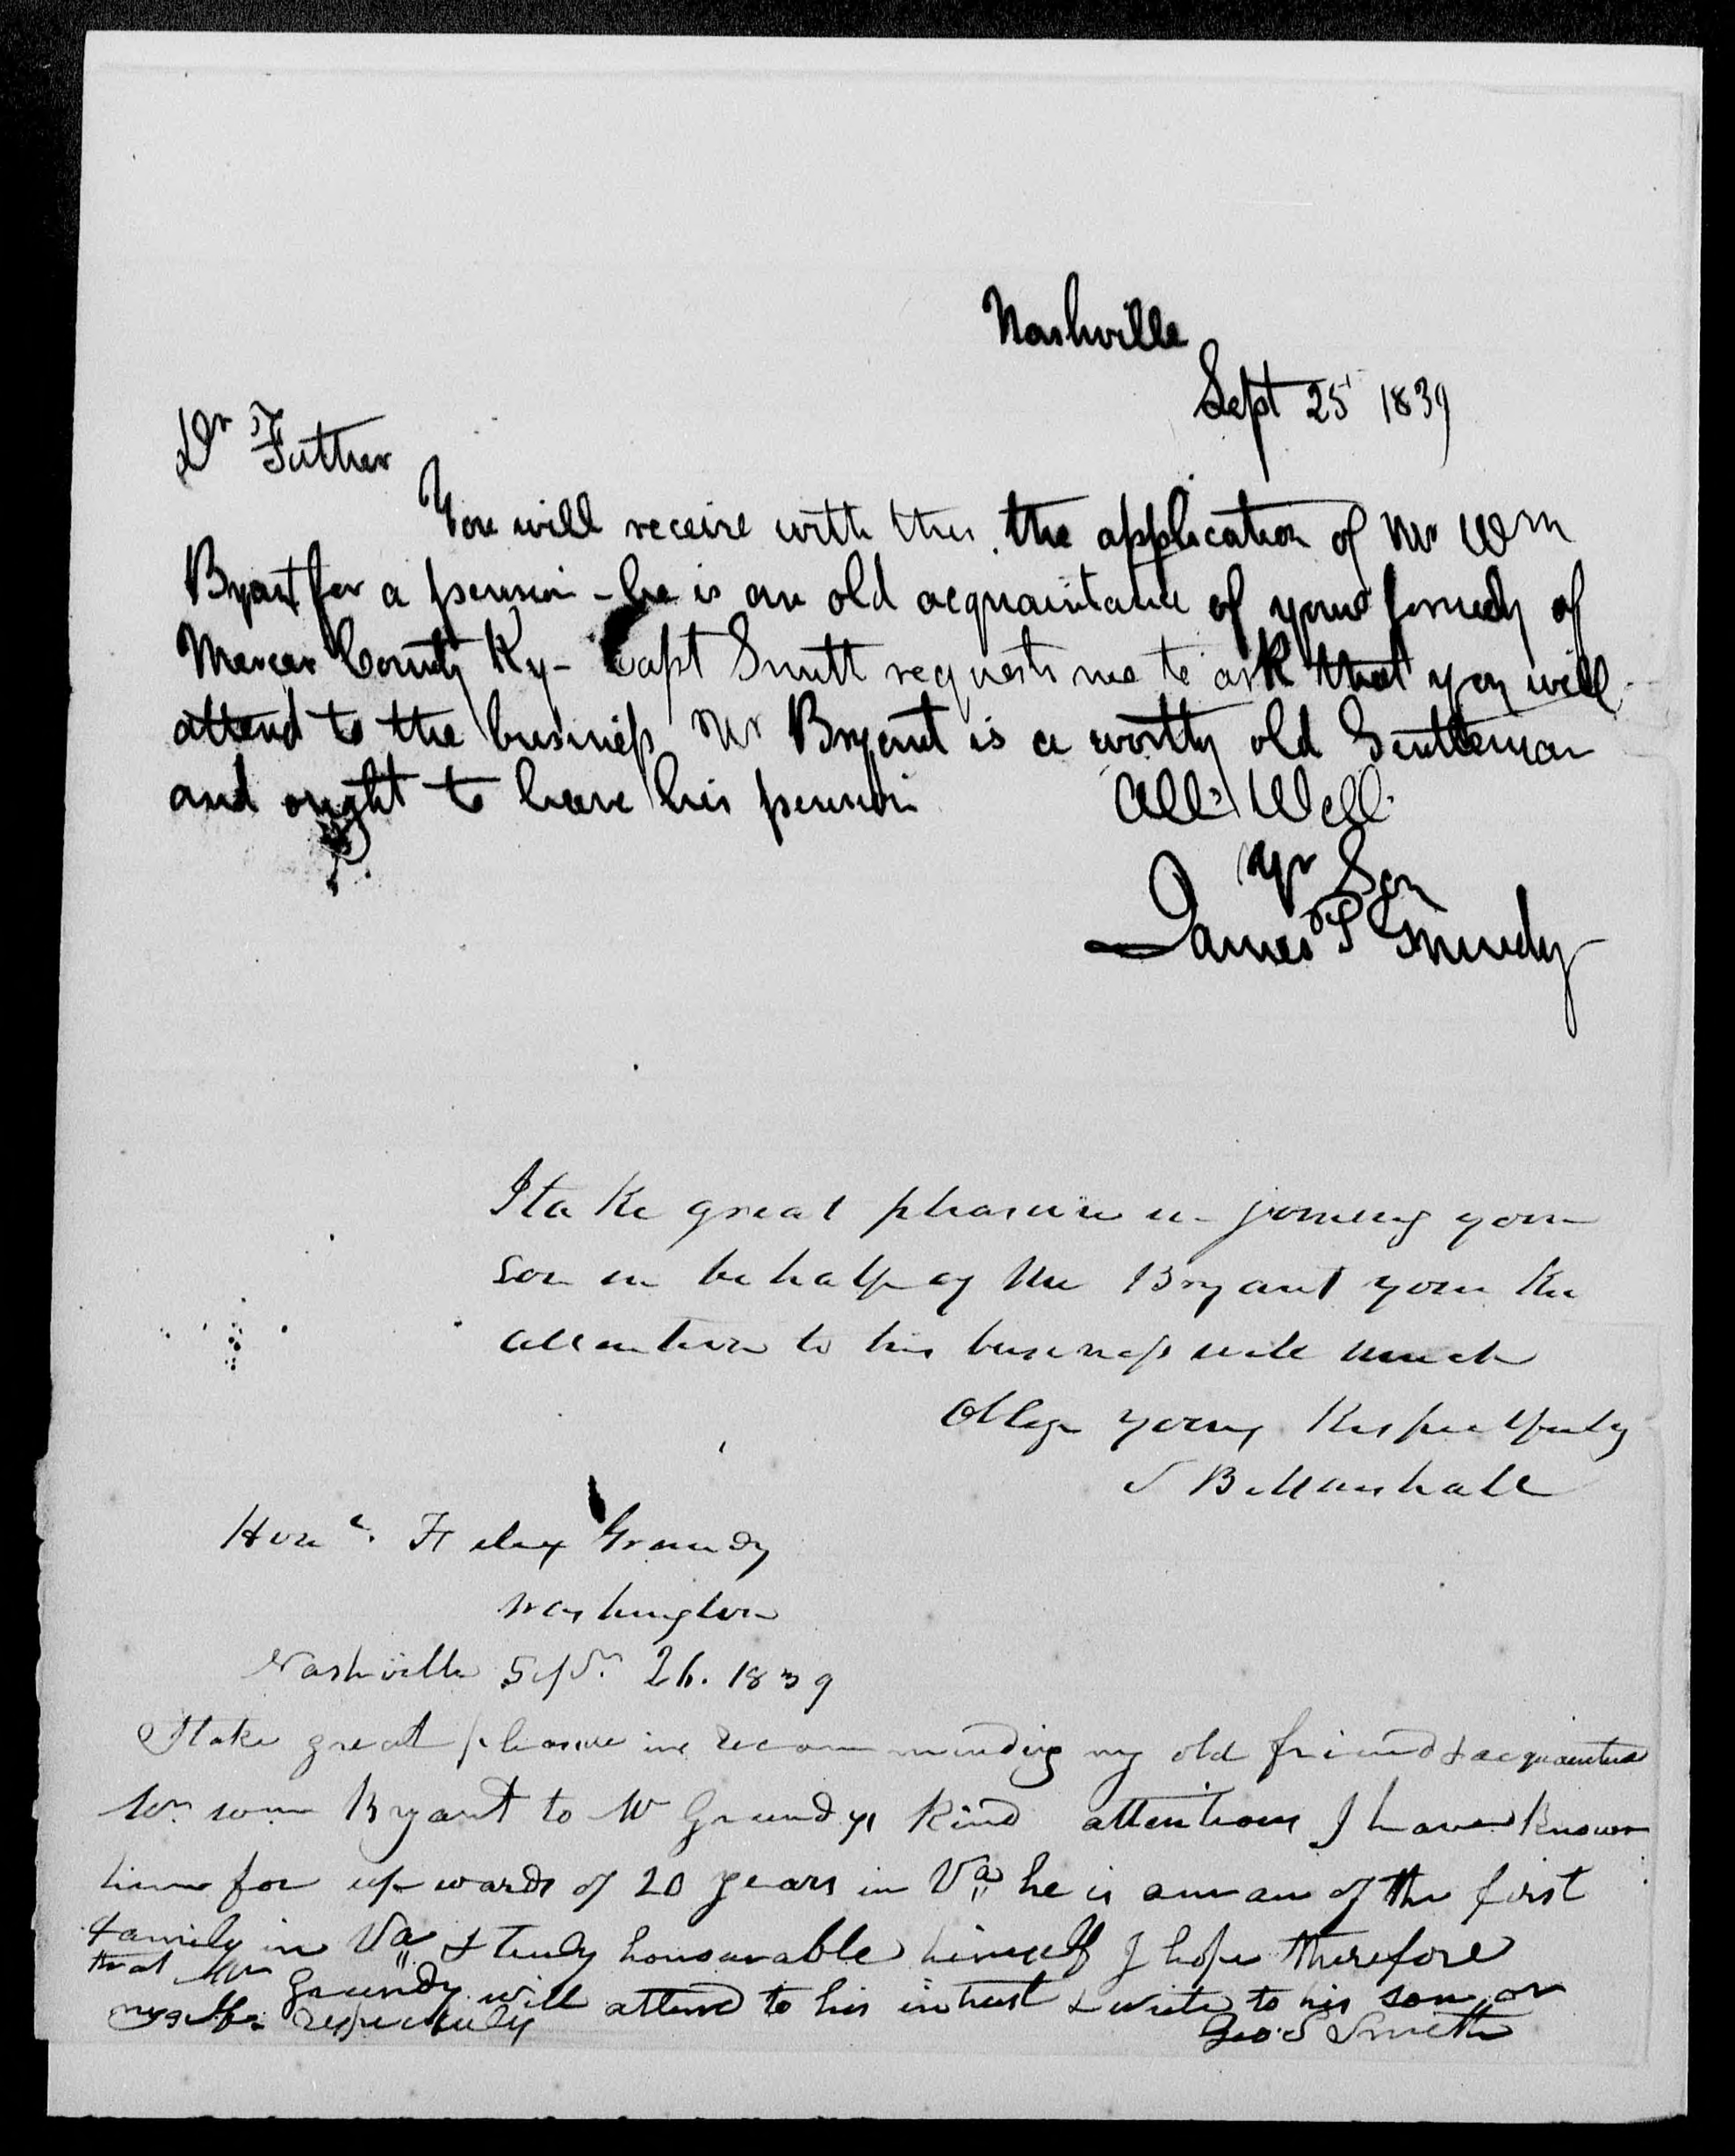Nashville
Sept 25 1839

Dr. Father
You will receive with this the application of Mr. Wm. Bryant for a pension - he is an old acquaintance of your family of Mercer County Ky - Capt. Smith requests me to ask that you will attend to the business Mr. Bryant is a worthy old gentleman and ought to have his pension
All Well
Yr Son
James P. Grunch

I take great pleasure in joining your son in behalf of Mr. Bryant     your keen attention to his business will much
Oblige yours Respectfully
S.B. Marshall

Hon. Felix Grundy
Washington

Nashville Sept. 26 1839
I take great pleasure in recommending my old friend and acquaintance Mr. Wm. Bryant to Mr. Grundy kind attentions  I have known him for upwards of 20 years in Va.  he is a man of the first family in Va. & truly honorable himself.  I hope therefore that Mr. Grundy will attend to his interest & write to his son or myself.  Respectfully
Geo. S. Smith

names: Felix Grundy, Smith, Geo S Smith, Bryant, Wm Bryant, James P Grundy, Wm Bryant, Bryant, S B Marshall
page: 18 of 31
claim: survivor's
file: S. 3049, William G Bryant, Va.